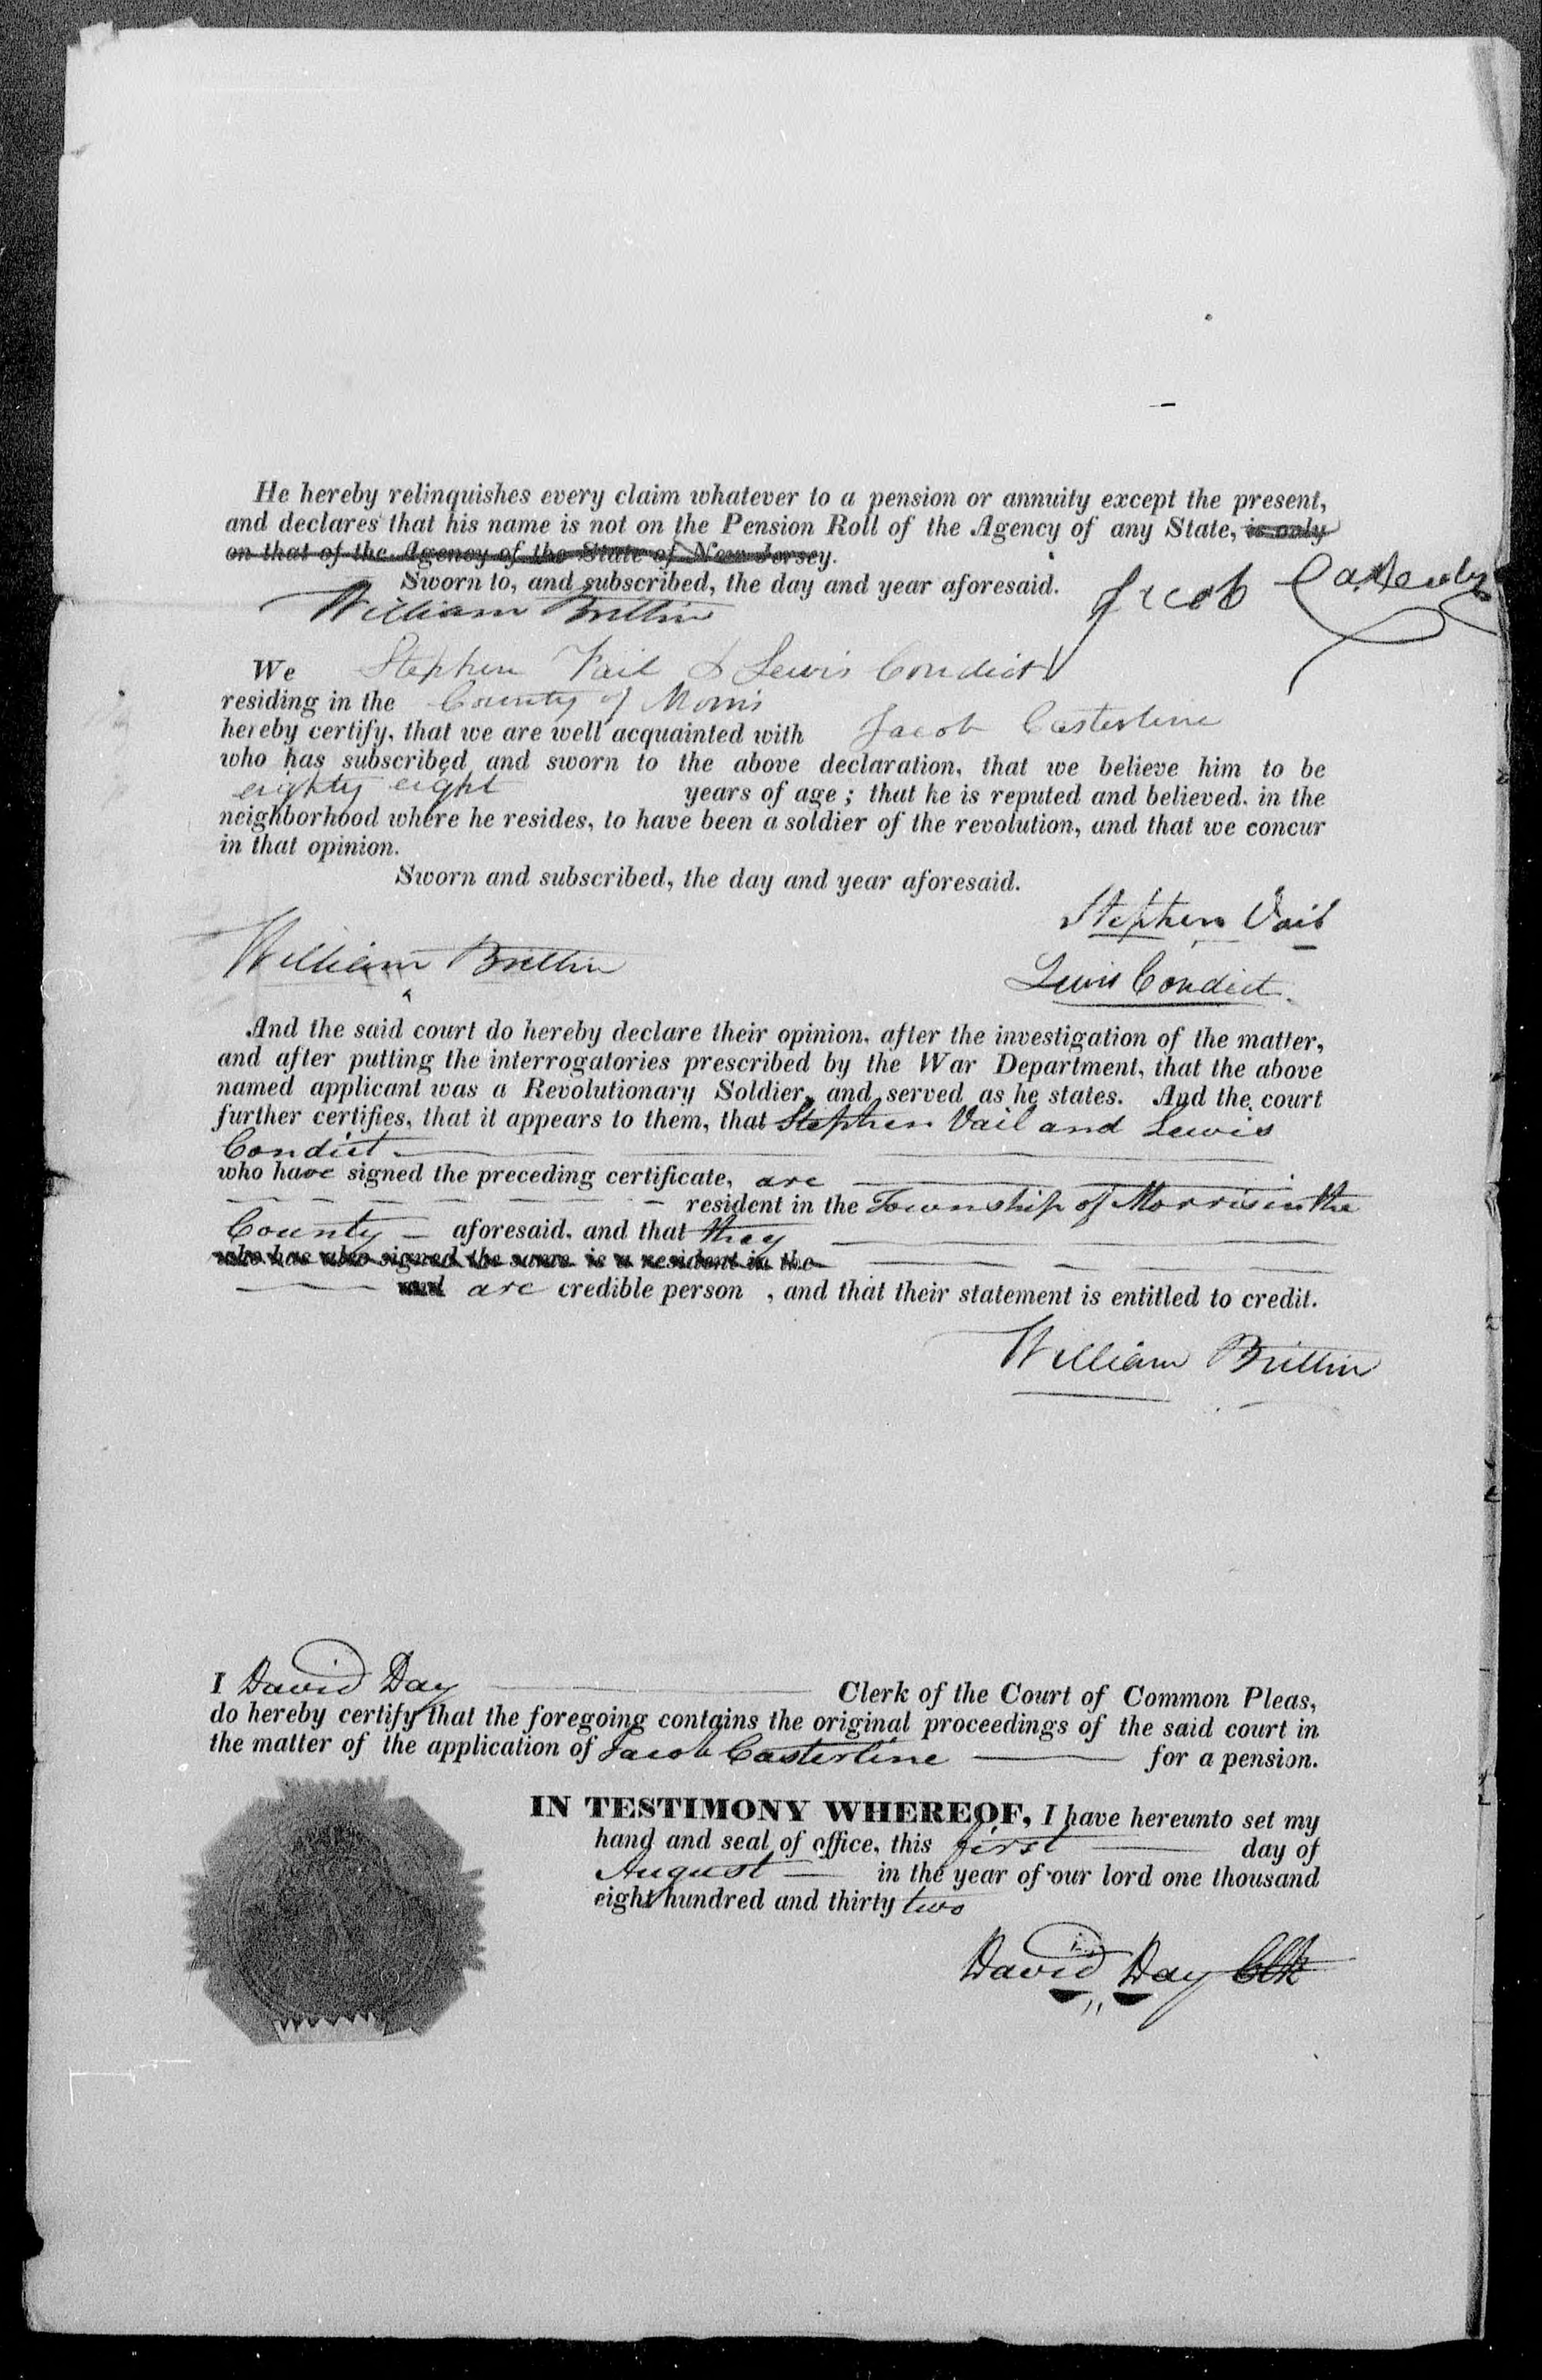He hereby relinquishes every claim whatever to a pension or annuity except the present, and declares that his name is not on the Pension Roll of the Agency of any state, [crossed out] is only on that of the Agency of the State of New Jersey.
Sworn to, and subscribed, the day and year aforesaid.
Jacob Casterline
William Brittin

We Stephen Vail and Lewis Condict residing in the County of Morris thereby certify that we are well acquainted with Jacob Casterline who has subscribed and sworn to the above declaration, that we believe him to be eighty eight years of age; that he is reputed and believed, in the neighborhood where he resides, to have been a soldier of the revolution, and that we concur in that opinion.
Sworn and subscribed, the day and year aforesaid.  

Stephen Vail
William Brittin
Lewis Condict

And the said court do hereby declare their opinion, after the investigation of the matter, and after putting the interrogatories prescribed by the War Department, that the above named applicant was a Revolutionary Soldier and served as he states. And the court further certifies that it appears to them that Stephen Vail and Lewis Condict who have signed the preceding certificate are resident in the Township of Morris in the County aforesaid and that they are credible persons, and that they statement is entitled to credit.  

William Brittin

I David Day Clerk of the Court of Common Pleas, do hereby certify that the foregoing contains the original proceedings of the said court in the matter of the application of Jacob Casterline for a pension.
In testimony whereof, I have hereunto set my hand and seal of office, this first day of August in the year of our lord one thousand eight hundred and thirty two. 
David Day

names: Jacob Casterline, Lewis Condict, Jacob Casterline, Stephen Vail, Lewis Condict, David Day, William Brittin, David Day, William Brittin, Stephen Vail, Stephen Vail, Jacob Casterline, Lewis Condict, William Brittin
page: 6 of 38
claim: widow's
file: W. 6644, Jacob Casterline, New Jersey